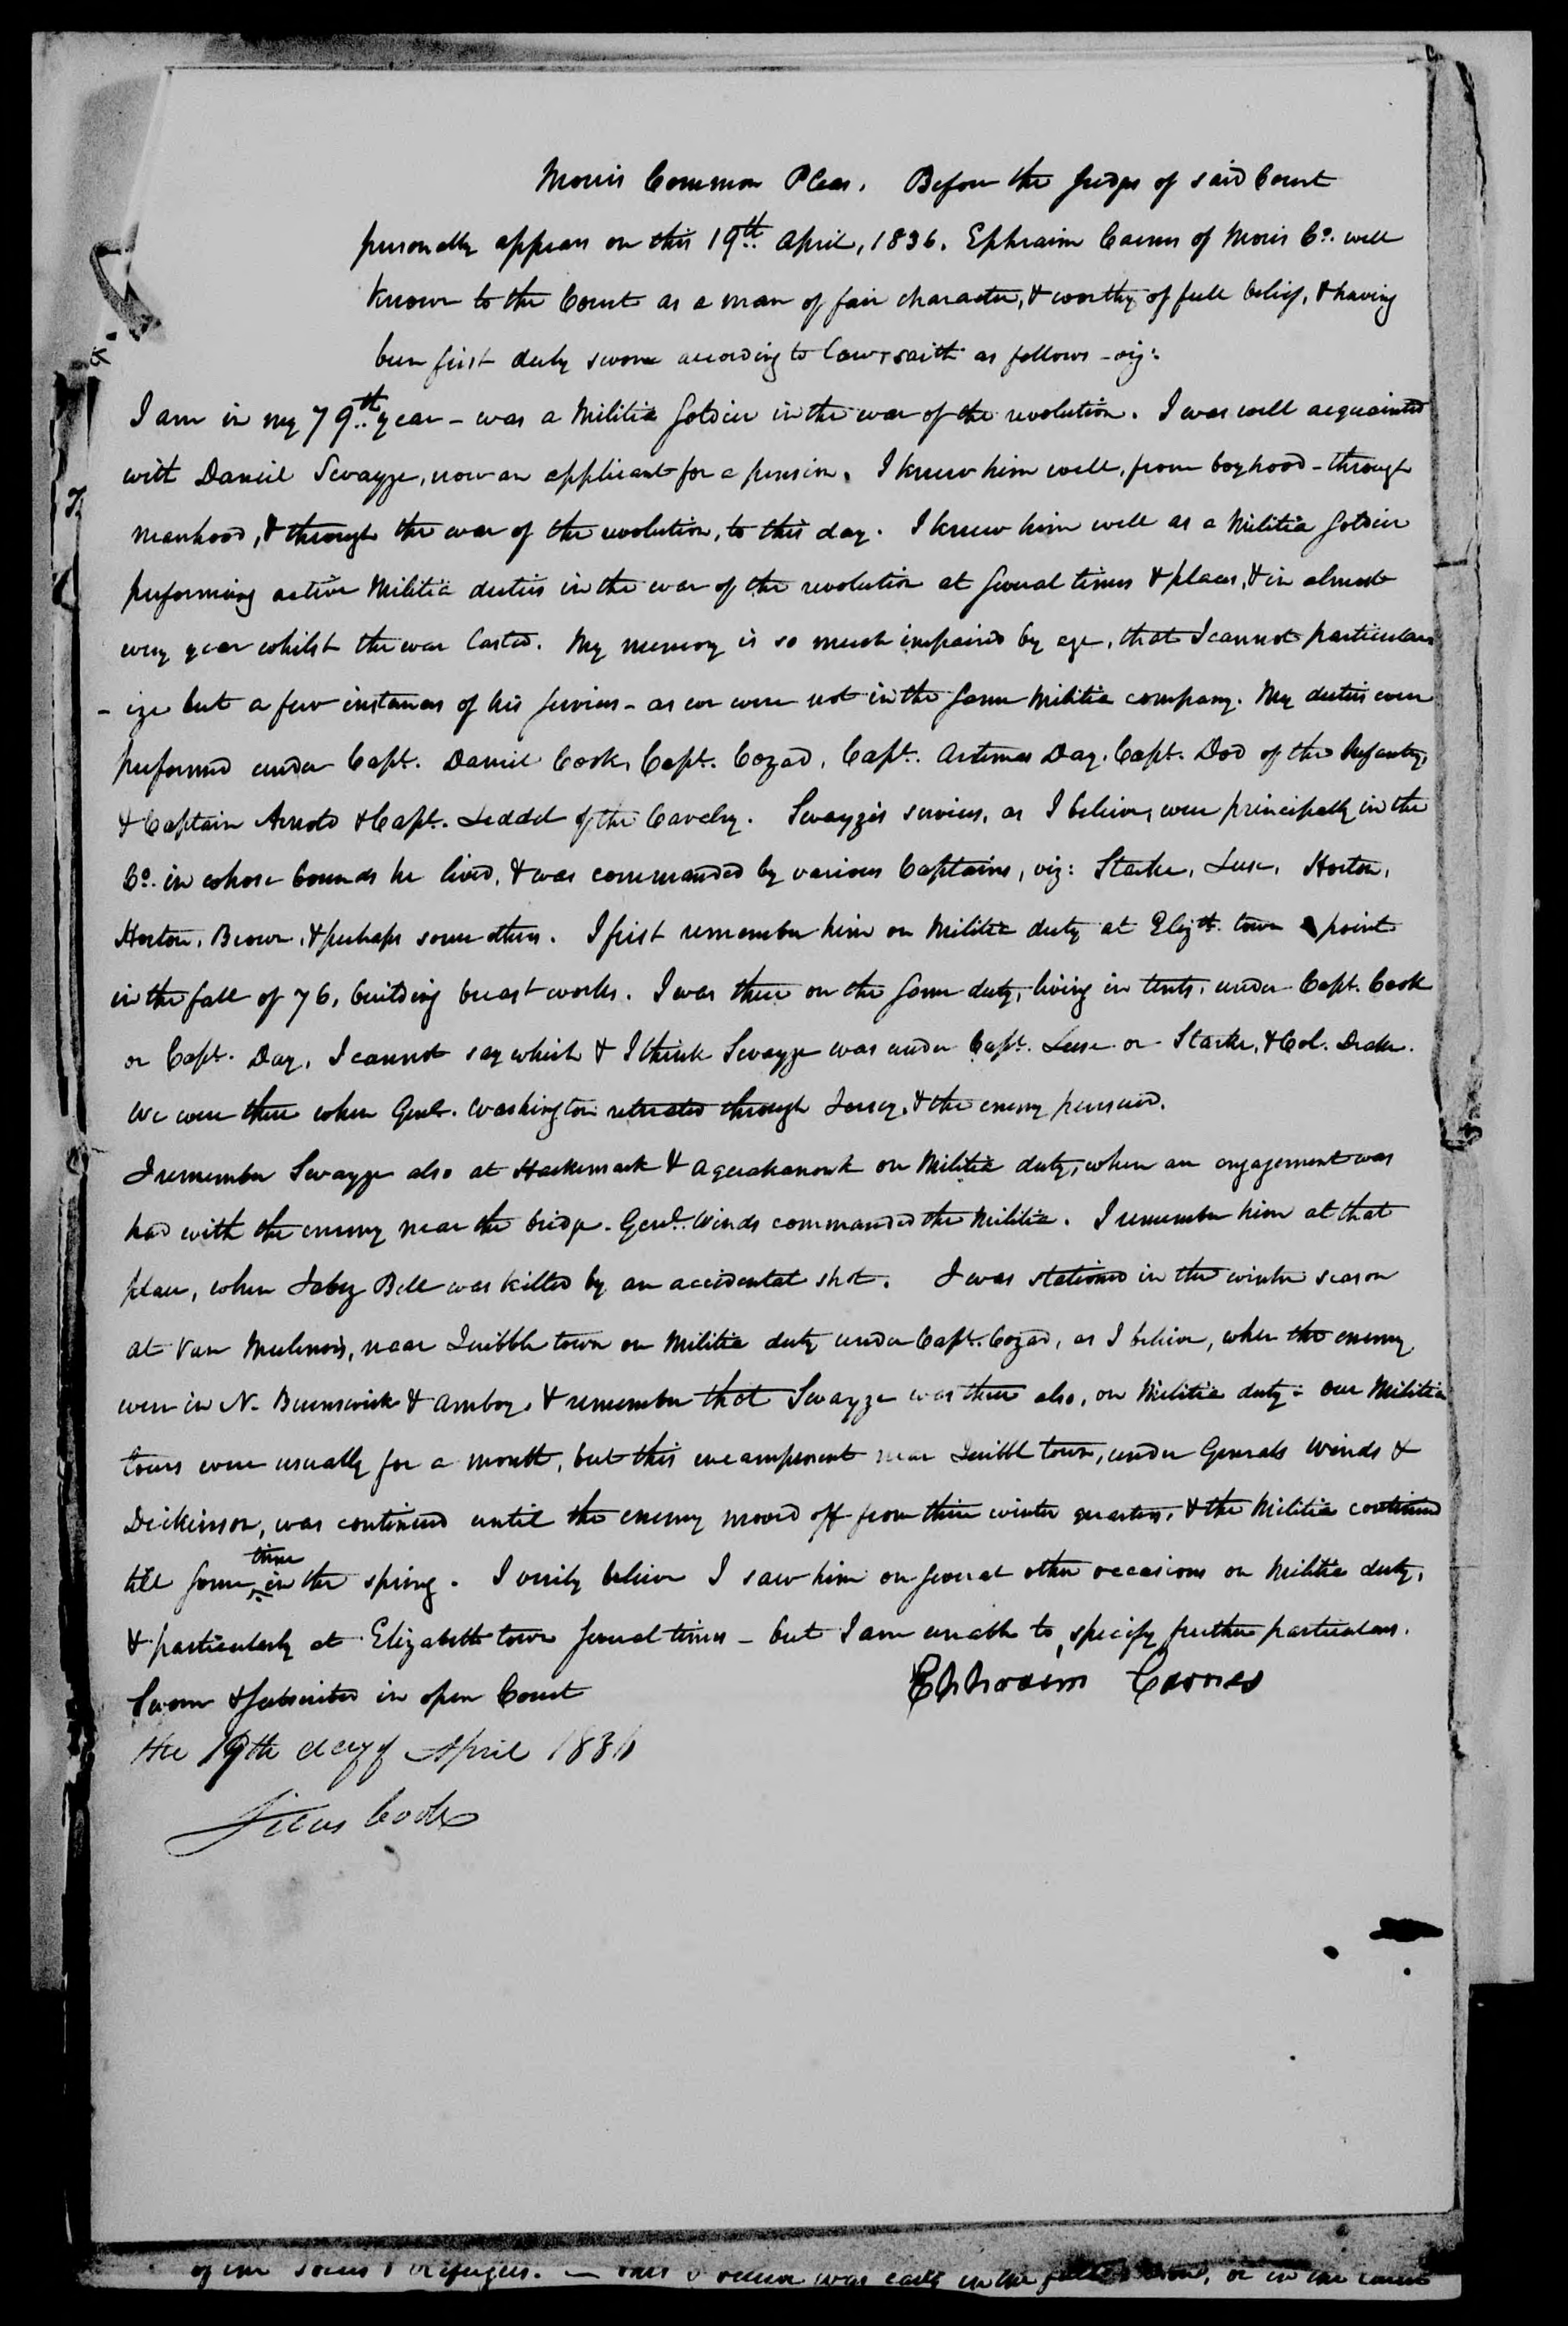Morris Common Pleas, before the Judge of said Court
personally appears on this 19th April, 1836. Ephraim Carson of Morris Co. well 
known to the Court as a man of fair character, & worthy of full belief, & having been
first duly sworn according to law saith as follows-
I am in my 79th year- was a militia soldier in the war of the revolution. I was well acquainted with
Daniel Swayze, now an applicant for a pension, I knew him well from boyhood-- though
manhood, & through the war of the revolution, to this day. I knew him well as a Militia soldier
performing active militia duties in the war of the revolution at several times & places & in almost
every year whilst the war lasted. my memory is so much impaired by age, that I cannot particularize in but a few instances of his service-as we were not in the same militia company. my duties were performed under Capt. Daniel Cook, Capt Cozad, Capt Artimas Day Capt. Dodd of the infantry
& Captain Arnold & Capt Beddel of the Cavelry. Swayze's services, as I believe, were principally in the co. in whose county he lived, & was commanded by various captains, viz: Starke, Lure, Horton
Horton, Brown & perhaps some others. I first remember him on Militia duty at Elizth town point
in the fall of 76, building breast works. I was there on the four duty, living in tents, under Capt. Cook
or Capt. Day, I cannot say which & I think Swayze was under Capt. Lane or Stark, Col. Drake.
we were there when Genl. Washington retreated through  Jersey & the enemy persued.
I remember Swayze also at Hackensack & Aquakanonk on Militia duty, when an engagement was
had with the enemy near the bridge. Genl Winds commanded the Militia. I remember him at that
place, when Joby Bell was killed by an accidental shot. I was stationed in the winter season
at Van Mulliner, near Quibble town on Militia duty under Capt. Cozad, as I believe, when the enemy
were in N. Burnswick & amber & remember that Swayne was there also, on Militia duty. our Militia
tours were usually for a month, but this encampment near Quibble town, under General Winds &
Dickinson, was continued until the enemy moved off from the winter quarter, & the militia continued
till sometime in the spring. I only believe I saw him on several other occasions on militia duty.
& particularly at Elizabeth town several times-- but I am unable to specify further particulars.
sworn & subscribed in open Court
Ephraim Carnes
the 19th day of April 1886
Jas Cook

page: 10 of 20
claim: survivor's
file: S. 4911, for Daniel Swayze, New Jersey